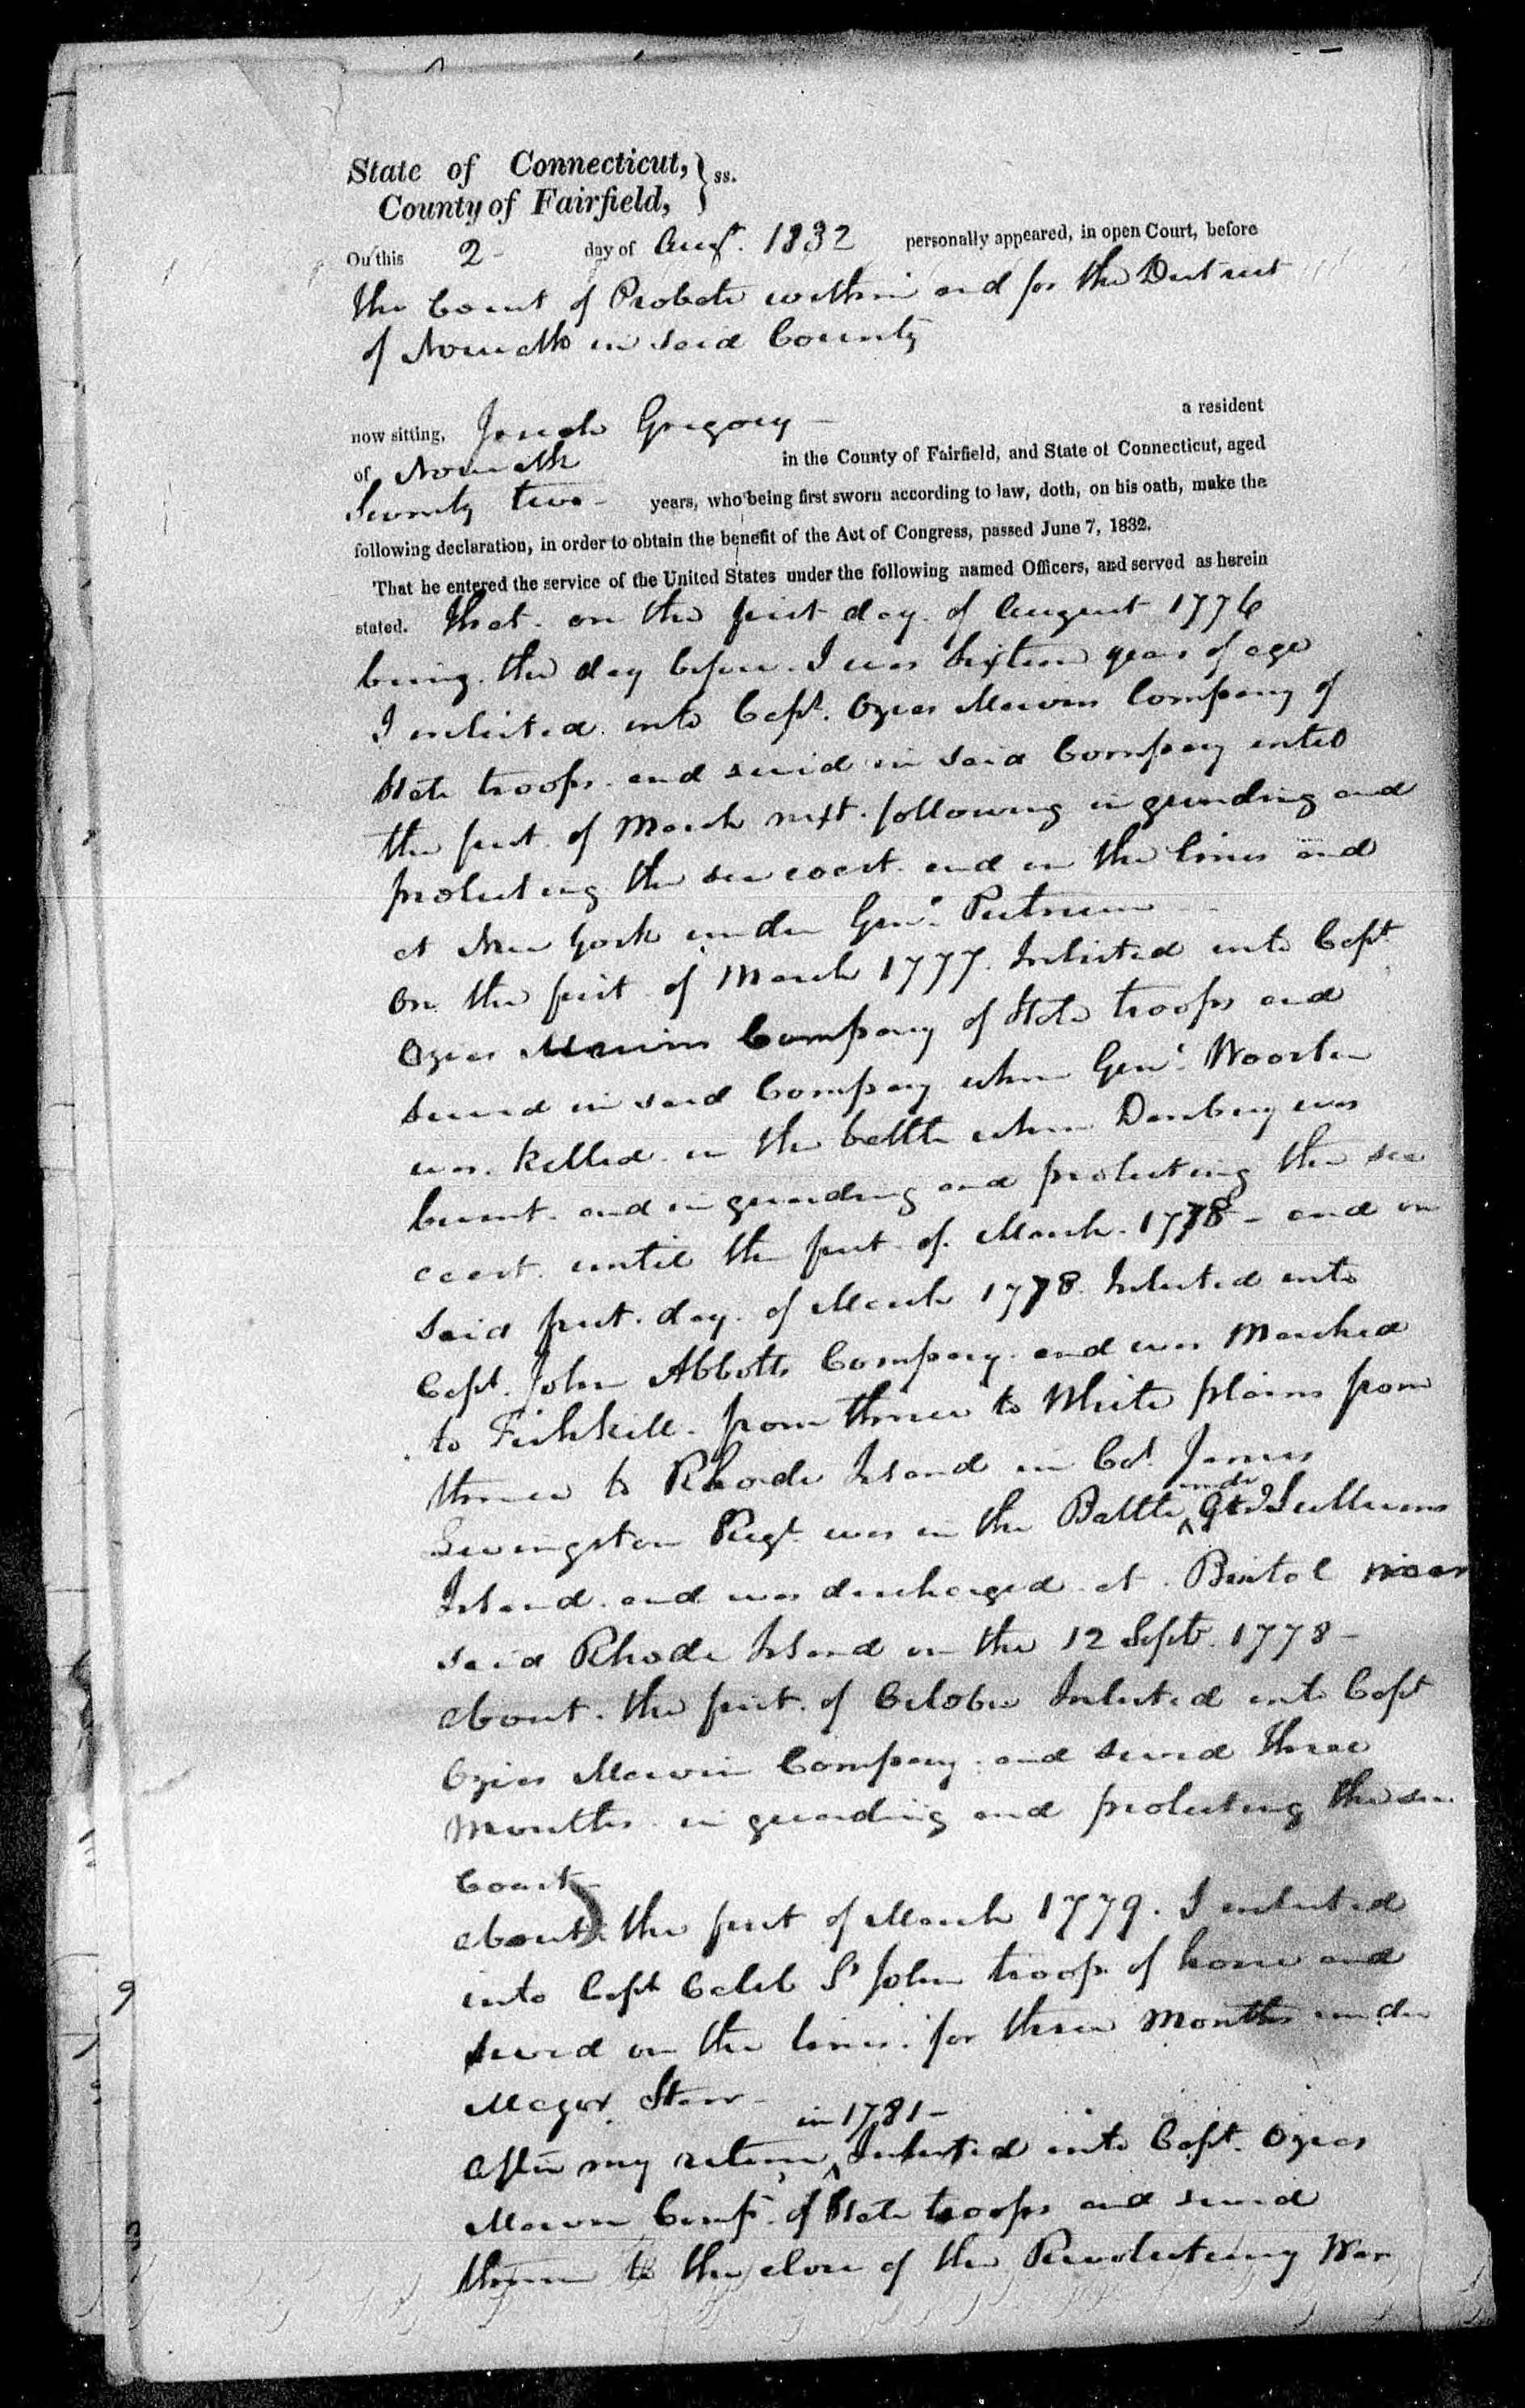State of Connecticut,
County of Fairfield} SS.
On this 2- day of Aug. 1832 personally appeared, in open Court, before
the Court of Probate within and for the District 
of Norwalk in Said County
now sitting, Josiah Gregory- a resident
of Norwalk in the County of Fairfield, and State of Connecticut, aged Seventy two- years, who being first sworn according to law, doth, on his oath, make the following declaration, in order to obtain the benefit of the Act of Congress, passed June 7, 1832.
That he entered the service of the United States under the following named Officers, and served as herein stated. That on the first day of August-1776
being the day before I was Sixteen years of age, I enlisted into Capt. Ozeas Marvins Company of State troops and served in said Company until the first of March next following in guarding and protecting the seacoast and in the lines and at New York under Gen. Putnam..
On the first of March 1777. Inlisted into Capt Ozeas Marvins Company of State troops and served in said Company when Genl. Wooster was killed in the battle when Danbury was burnt and in guarding and protecting the seacoast until the first of March 1778 - and on
said first day of March 1778 Inlisted into Capt. John Abbotts Company and was Marched to Fishkill, from thence to White Plains from thence to Rhode Island in Col. James Livingston Regt was in the Battle  [inserted word illegible] at Sullivans Island and was discharged at Bristol in said Rhode Island on the 12 Septr. 1778 - about the first of October Inlisted into Capt Ozeas Marvin Company and served three months in guarding and protecting the seacoast-
about the first of March 1779. I Inlisted into Capt. Caleb St Johns troops of horse and served on the lines for three months under
Major Starr-
After my return in 1781 [last two words/numbers inserted] Inlisted into Capt Ozeas Marvin Comp of State troops and served thence until the close of the Revolutionary War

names: Woorton, Josiah Gregory, Caleb St John, Putnam, Starr, Sullivans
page: 4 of 49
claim: widow's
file: W 24308, Josiah Gregory, Conn.